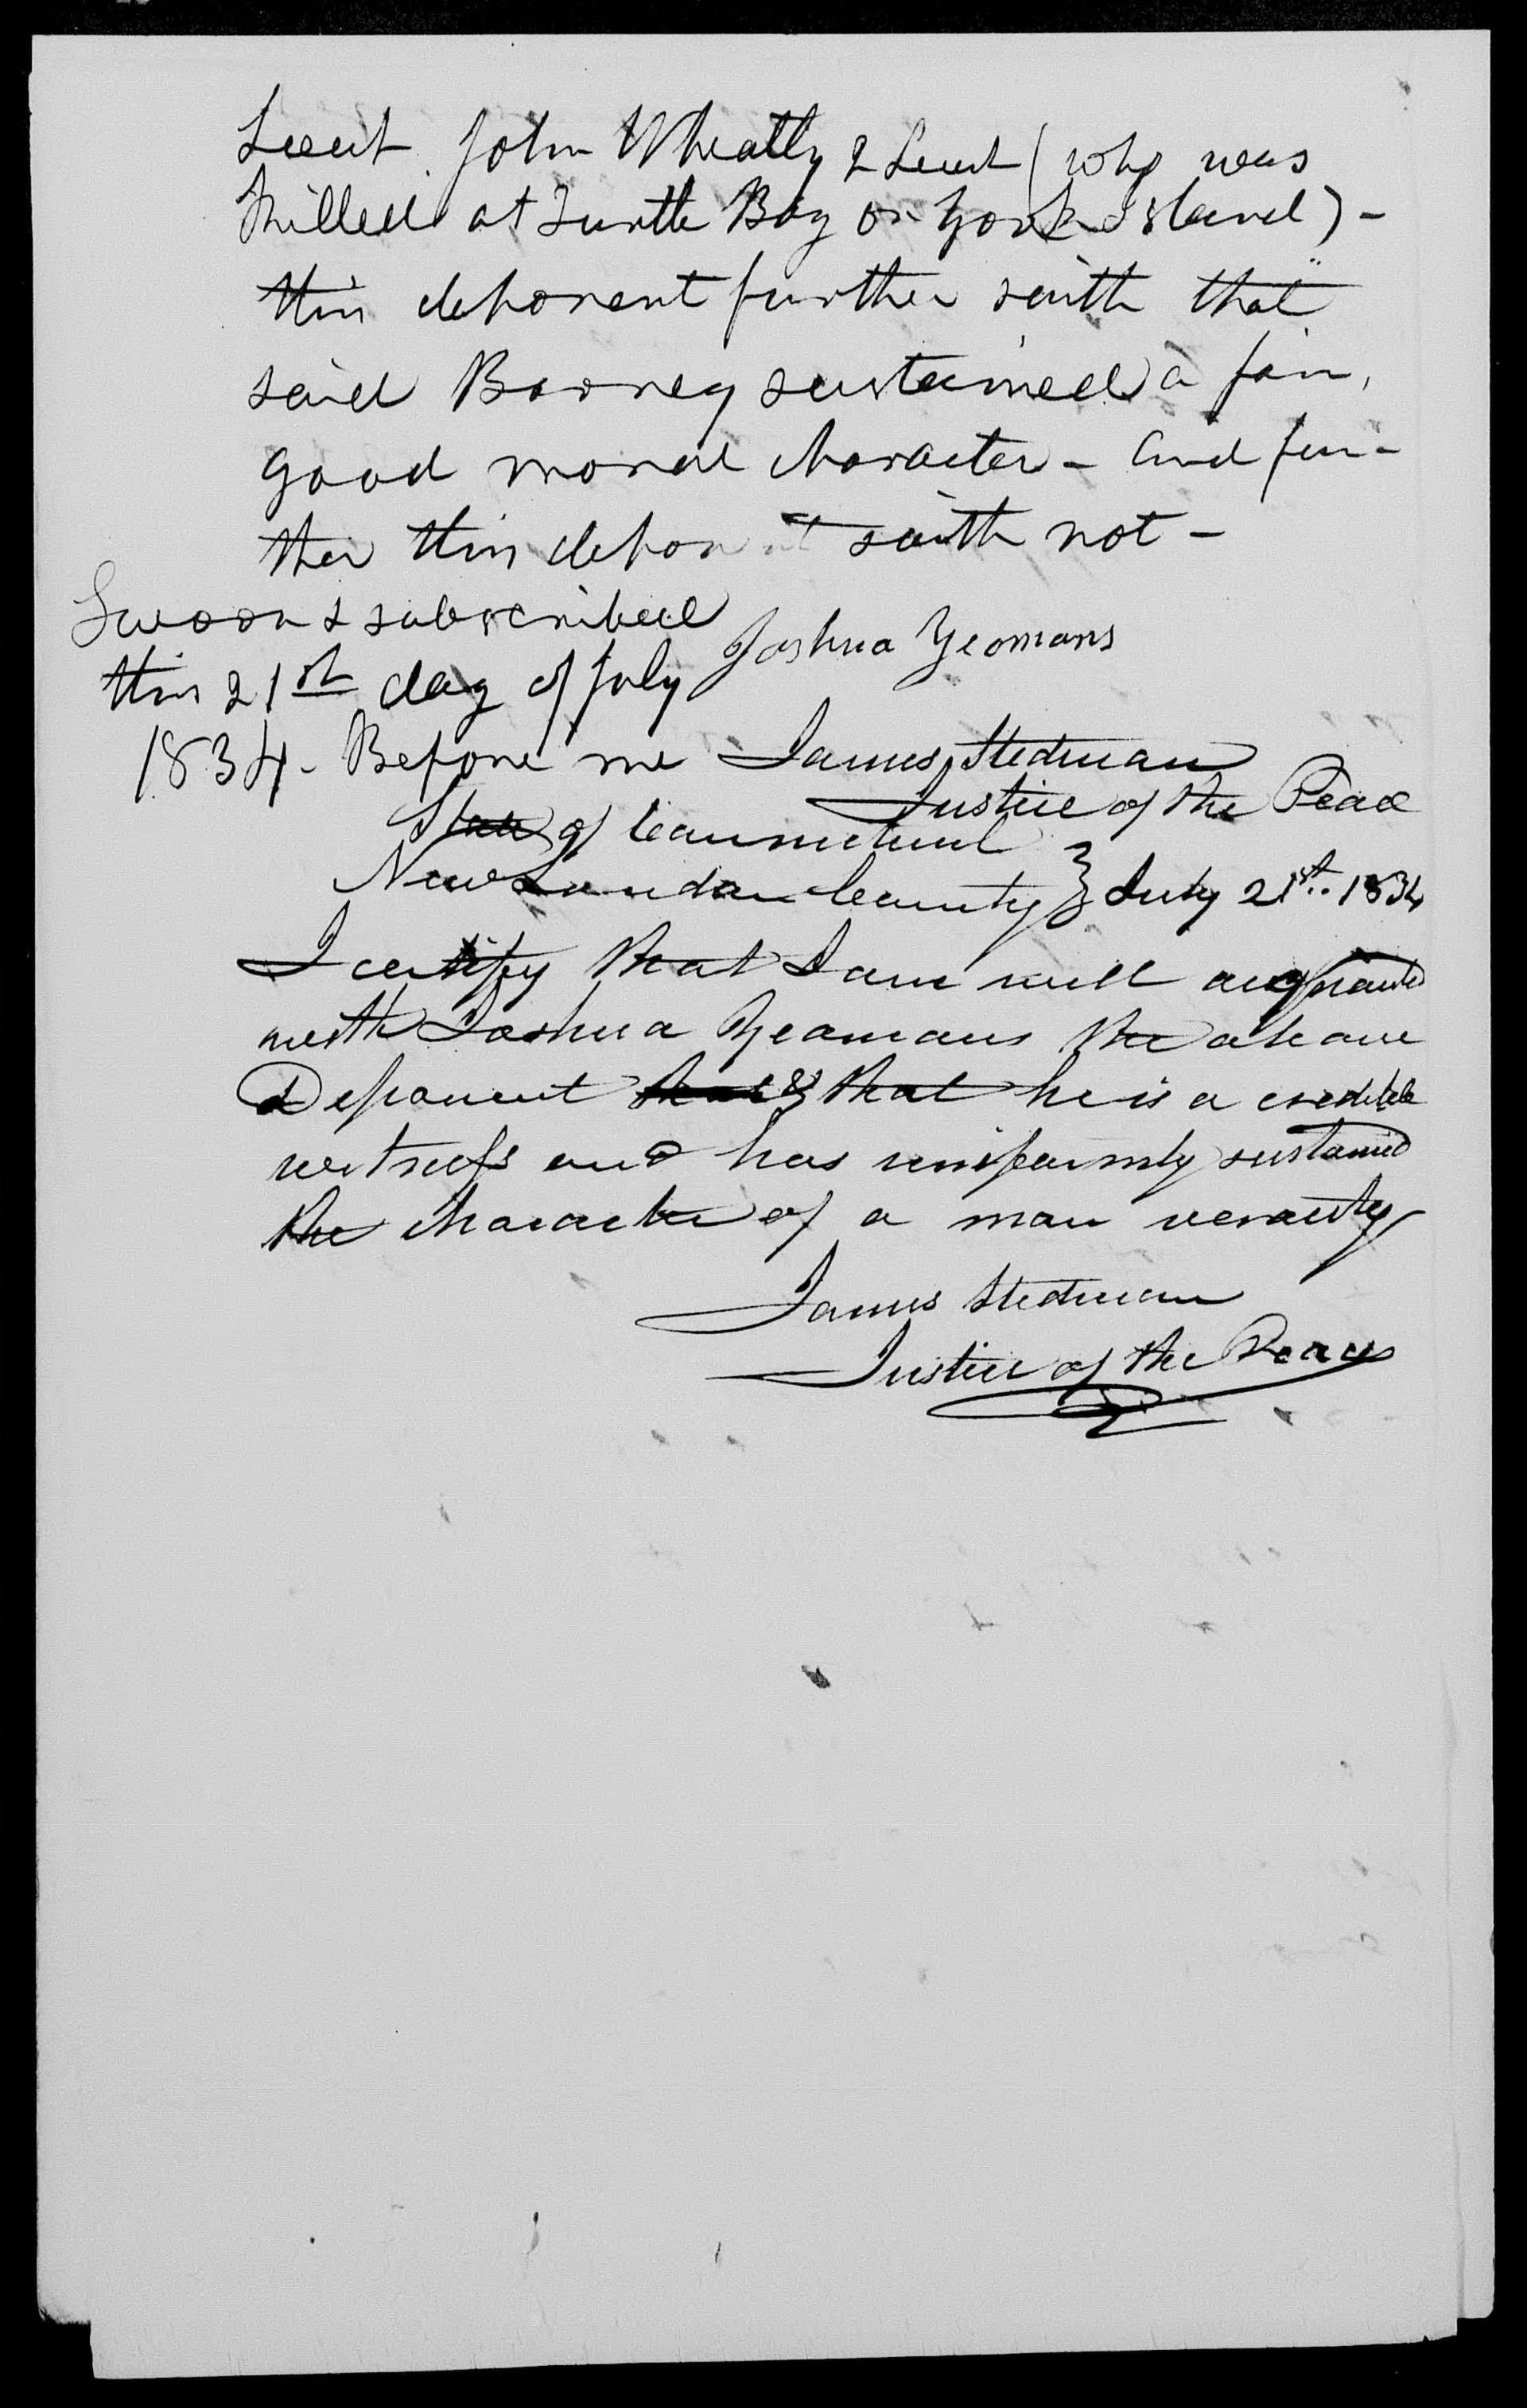Lieut John Wheatly a Lieut (who was killed at Turtle Bay on York Island) - this deponent further saith that said Barney sustained a fair, good moral character - and further this deponent saith not.

Joshua Yeomans

Sworn & subscribed this 21st day of July 1834. Before me James Stedman Justice of the Peace
State of Connecticut
New London County ⎬ July 21st 1834

I certify that I am well acquainted with Joshua Yeomans the above Deponent & that he is a credible witness and has uniformly sustained the character of a man veracity

James Stedman
Justice of the Peace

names: John Wheatly, Joshua Yeomans, Joshua Yeomans, James Stedman, James Stedman, Barney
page: 36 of 61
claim: widow's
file: W. 4.124, Luther Barney, Conn. Privateer.